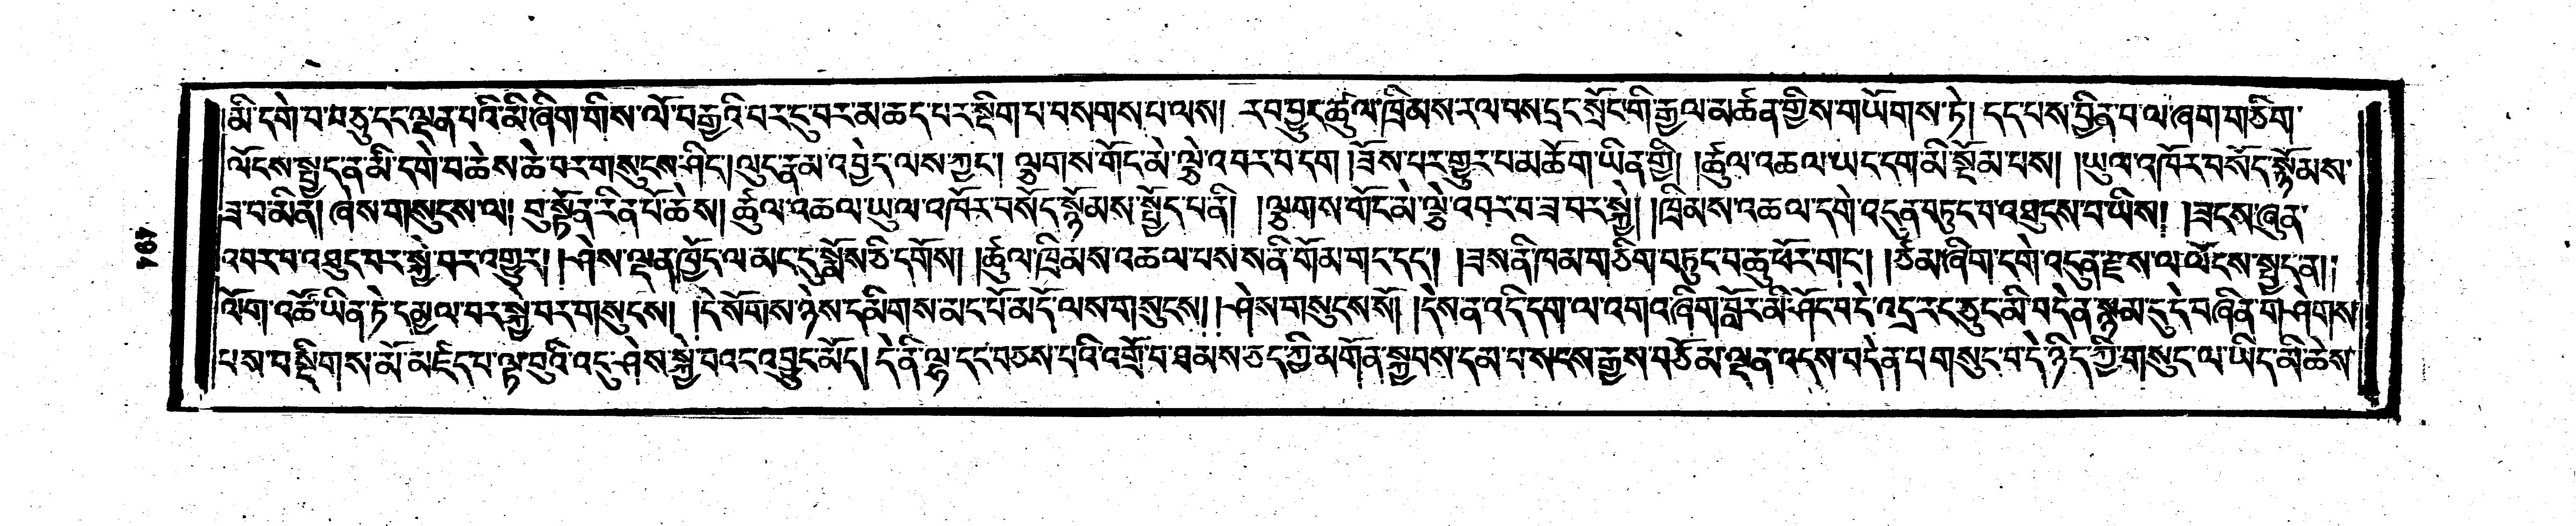མི་དགེ་བ་བཅུ་དང་ལྡན་པའི་མི་ཞིག་གིས་ལོ་བརྒྱའི་བར་དུ་བར་མ་ཆད་པར་སྡིག་པ་བསགས་པ་ལས། རབ་བྱུང་ཚུལ་ཁྲིམས་རལ་བས་དྲང་སྲོང་གི་རྒྱལ་མཚན་གྱིས་གཡོགས་ཏེ། དད་པས་བྱིན་པ་ལ་ཞག་གཅིག་
ལོངས་སྤྱད་ན་མི་དགེ་བ་ཆེས་ཆེ་བར་གསུངས་ཤིང་། ལུང་རྣམ་འབྱེད་ལས་ཀྱང་། ལྕགས་གོང་མེ་ལྕེ་འབར་བ་དག །ཟོས་པར་གྱུར་པ་མཆོག་ཡིན་གྱི། །ཚུལ་འཆལ་ཡང་དག་མི་སྡོམ་པས། །ཡུལ་འཁོར་བསོད་སྙོམས་
ཟ་བ་མིན། ཞེས་གསུངས་ལ། བུ་སྟོན་རིན་པོ་ཆེས། ཚུལ་འཆལ་ཡུལ་འཁོར་བསོད་སྙོམས་སྤྱོད་པ་ནི། །ལྕགས་གོང་མེ་ལྕེ་འབར་བ་ཟ་བར་སྐྱེ། །ཁྲིམས་འཆལ་དགེ་འདུན་བཏུང་བ་འཐུངས་པ་ཡིས། །ཟངས་ཞུན་
འབར་བ་འཐུང་བར་སྐྱེ་བར་འགྱུར། །ཤེས་ལྡན་ཁྱོད་ལ་མང་དུ་སྨོས་ཅི་དགོས། །ཚུལ་ཁྲིམས་འཆལ་བས་ས་ནི་གོམ་གང་དང་། །ཟས་ནི་ཁམ་གཅིག་བཏུང་བ་ཆུ་ཕོར་གང་། །ཙམ་ཞིག་དགེ་འདུན་རྫས་ལ་ལོངས་སྤྱད་ན།།
ལོག་འཚོ་ཡིན་ཏེ་དམྱལ་བར་སྐྱེ་བར་གསུངས། །དེ་སོགས་ཉེས་དམིགས་མང་པོ་མདོ་ལས་གསུངས། །ཤེས་གསུངས་སོ། །དེས་ན་འདི་དག་ལ་འགའ་ཞིག་བློར་མི་ཤོང་བ་དེ་འདྲ་རང་ཅུང་མི་བདེན་སྙམ་དུ་དེ་བཞིན་གཤེགས་
པས་བསྡིགས་མོ་མཛད་པ་ལྟ་བུའི་འདུ་ཤེས་སྐྱེ་བའང་འབྱུང་མོད། དེ་ནི་ལྷ་དང་བཅས་པའི་འགྲོ་བ་ཐམས་ཅད་ཀྱི་མགོན་སྐྱབས་དམ་པ་སངས་རྒྱས་བཅོམ་ལྡན་འདས་བདེན་པ་གསུང་བ་དེ་ཉིད་ཀྱི་གསུང་ལ་ཡིད་མི་ཆེས་